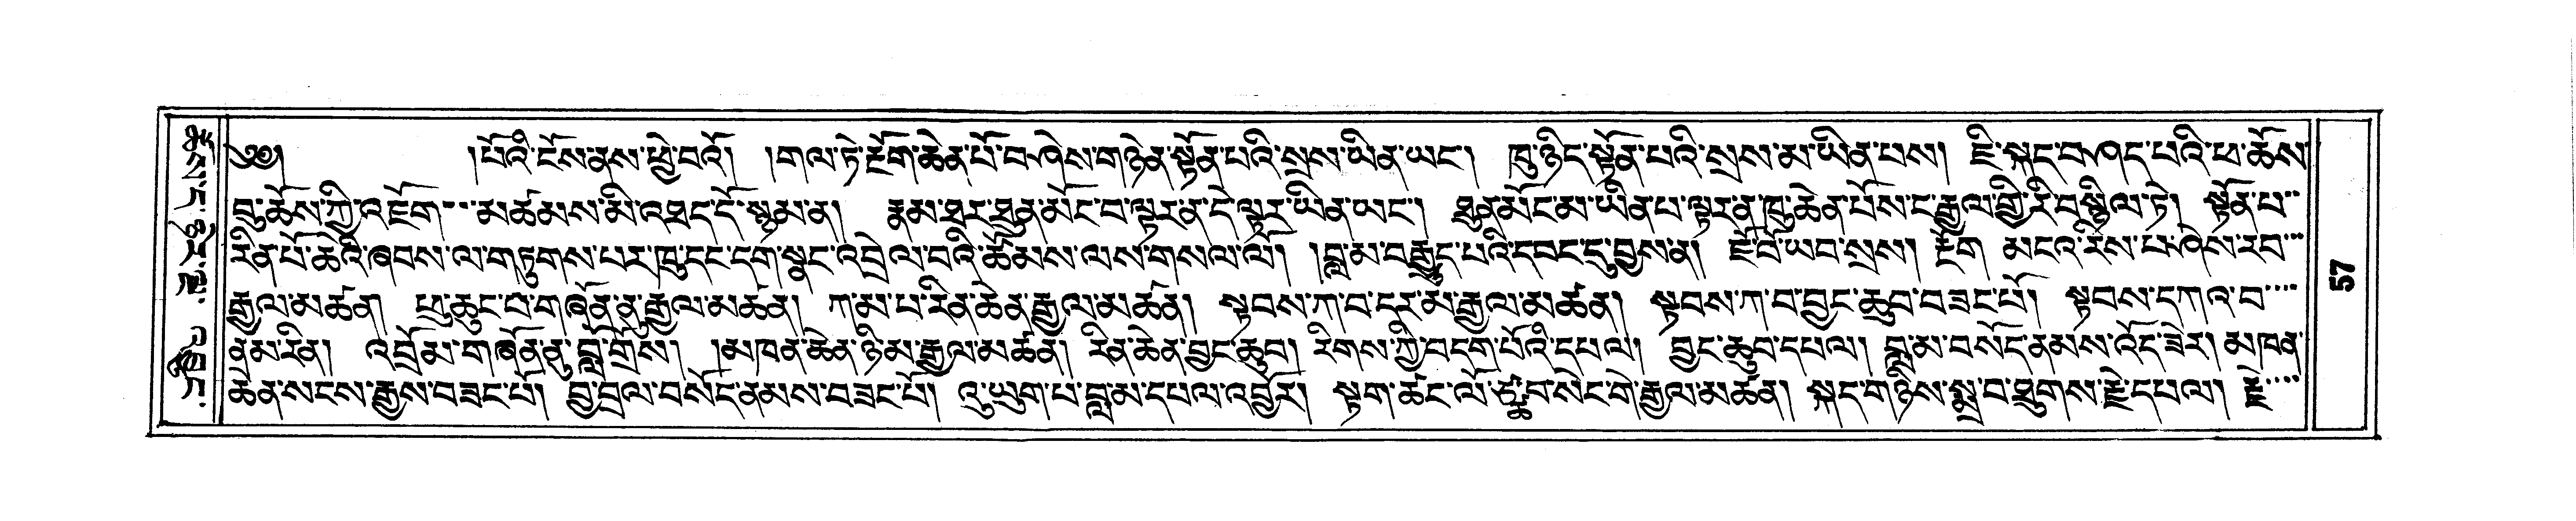༄༅། །པོའི་ངོས་ནས་ཕྱེ་བའོ། །གལ་ཏེ་རྔོག་ཆེན་པོ་བཤེས་གཉེན་སྟོན་པའི་སྲས་ཡིན་ཡང་། ཁུ་ཉིད་སྟོན་པའི་སྲས་མ་ཡིན་པས། ཇི་སྐད་བཤད་པའི་ཕ་ཆོས་
བུ་ཆོས་ཀྱི་འཇོག་མཚམས་མི་འཐད་དོ་སྙམ་ན། རྣམ་ཐར་ཐུན་མོང་བ་ལྟར་ན་དེ་ལྟར་ཡིན་ཡང་། ཐུན་མོང་མ་ཡིན་པ་ལྟར་ན་ཁུ་ཆེན་པོས་ང་རྒྱལ་གྱི་རི་བསྙིལ་ཏེ། སྟོན་པ་
རིན་པོ་ཆེའི་ཞབས་ལ་གཏུགས་པར་ཁུ་དང་དག་སྣང་འབྲེལ་པའི་ཚོམས་ལས་གསལ་ལོ། །བླ་མ་བརྒྱུད་པའི་དབང་དུ་བྱས་ན། ཇོ་བོ་ཡབ་སྲས། རྔོག་མངའ་རིས་པ་ཤེས་རབ་
རྒྱལ་མཚན། ཕུ་ཆུང་བ་གཞོན་ནུ་རྒྱལ་མཚན། ཀ་མ་པ་རིན་ཆེན་རྒྱལ་མཚན། སྟབས་ཀ་བ་དར་མ་རྒྱལ་མཚན། སྟབས་ཀ་བ་བྱང་ཆུབ་བཟང་པོ། སྟབས་དཀའ་བ་
ནམ་རིན། འབྲོམ་གཞོན་ནུ་བློ་གྲོས། །མཁན་ཆེན་ཉི་མ་རྒྱལ་མཚན། རིན་ཆེན་བྱང་ཆུབ། རིགས་ཀྱི་བདག་པོའི་དཔལ། བྱང་ཆུབ་དཔལ། བླ་མ་བསོད་ནམས་འོད་ཟེར། མཁན་
ཆེན་སངས་རྒྱས་བཟང་པོ། བྱ་བྲལ་བསོད་ནམས་བཟང་པོ། འུ་ཡུག་པ་བླ་མ་དཔལ་འབྱོར། སྟག་ཚང་ལོ་ཙྪ་བ་སེང་གེ་རྒྱལ་མཚན། སྐད་གཉིས་སྨྲ་བ་ཐུགས་རྗེ་དཔལ། རྗེ་